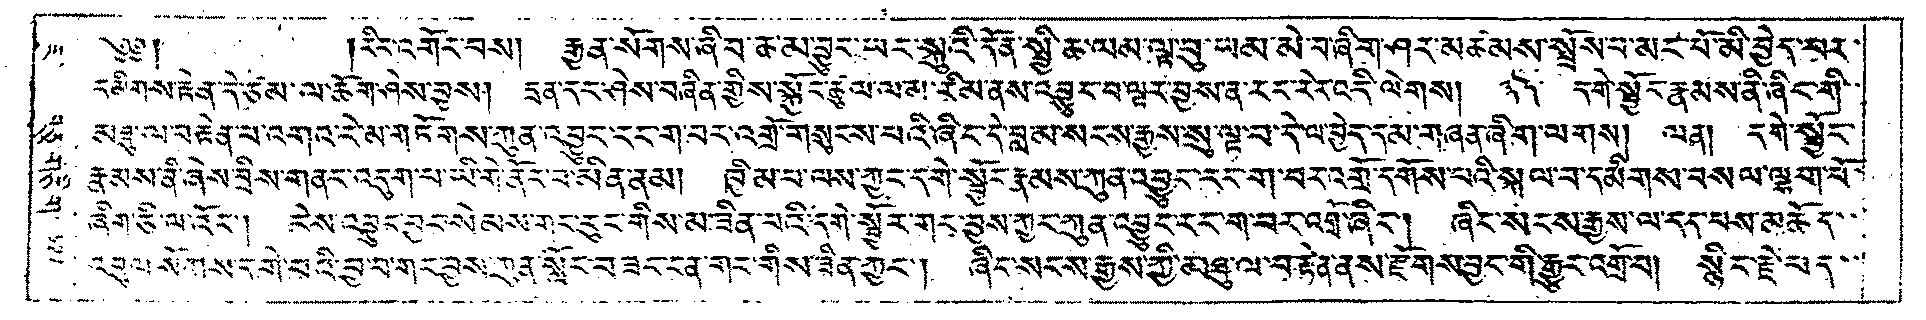༄༅། །རིང་འགོར་བས། རྒྱན་སོགས་ཞིབ་ཆ་མ་བྱུང་ཡང་སྐུའི་དོན་སྤྱི་ཆ་ལམ་ལྟ་བུ་ཡམ་མེ་བ་ཞིག་ཤར་མཚམས་སྤྲོས་པ་མང་པོ་མི་བྱེད་པར་
དམིགས་རྟེན་དེ་ཙམ་ལ་ཆོག་ཤེས་བྱས། དྲན་དང་ཤེས་བཞིན་གྱིས་སྐྱོང་ཚུལ་ལམ་རིམ་ནས་འབྱུང་བ་ལྟར་བྱས་ན་རང་རེར་འདི་ལེགས། ༣?་དགེ་སྦྱོང་རྣམས་ནི་ཞིང་གི་
མཐུ་ལ་བརྟེན་པ་འགའ་རེ་མ་གཏོགས་ཀུན་འབྱུང་རང་ག་བར་འགྲོ་གསུངས་པའི་ཞིང་དེ་བླ་མ་སངས་རྒྱས་སུ་ལྟ་བ་དེ་ལ་བྱེད་དམ་གཞན་ཞིག་ལགས། ལན། དགེ་སྦྱོང་
རྣམས་ནི་ཞེས་བྲིས་གནང་འདུག་པ་ཡི་གེ་ནོར་བ་མིན་ནམ། ཁྱིམ་པ་ལས་ཀྱང་དགེ་སྦྱོང་རྣམས་ཀུན་འབྱུང་རང་ག་བར་འགྲོ་དགོས་པའི་སྐལ་བ་དམིགས་བསལ་ལྷག་པོ་
ཞིག་ཅི་ལ་འོང་། ངེས་འབྱུང་བྱང་སེམས་གང་རུང་གིས་མ་ཟིན་པའི་དགེ་སྦྱོར་གང་བྱས་ཀྱང་ཀུན་འབྱུང་རང་ག་བར་འགྲོ་ཞིང་། ཞིང་སངས་རྒྱས་ལ་དད་པས་མཆོད་
འབུལ་སོགས་དགེ་བའི་བྱ་བ་གང་བྱས་ཀུན་སློང་བཟང་ངན་གང་གིས་ཟིན་ཀྱང་། ཞིང་སངས་རྒྱས་ཀྱི་མཐུ་ལ་བརྟེན་ནས་རྫོགས་བྱང་གི་རྒྱུར་འགྲོ་བ། སྙིང་རྗེ་པད་